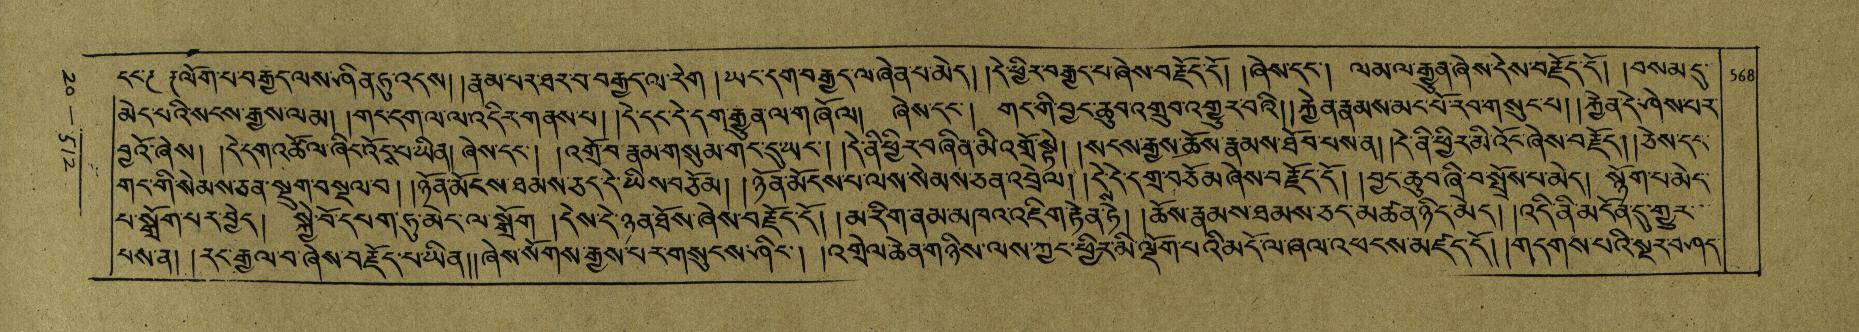དང༑ ༑ལོག་པ་བརྒྱད་ལས་ཤིན་ཏུ་འདས། །རྣམ་པར་ཐར་བ་བརྒྱད་ལ་རེག །ཡང་དག་བརྒྱད་ལ་ཞེན་པ་མེད། །དེ་ཕྱིར་བརྒྱད་པ་ཞེས་བརྗོད་དོ། །ཞེས་དང་། ལམ་ལ་རྒྱུན་ཞེས་དེས་བརྗོད་དོ། །བསམ་དུ་
མེད་པའི་སངས་རྒྱས་ལམ། །གང་དག་ལ་ལ་འདིར་གནས་པ། །དེ་དང་དེ་དག་རྒྱུན་ལ་གཞོལ། ཞེས་དང་། གང་གི་བྱང་ཆུབ་འགྲུབ་འགྱུར་བའི། །རྐྱེན་རྣམས་མང་པོ་རབ་གསུང་པ། །རྐྱེན་དེ་ཤེས་པར་
བྱའོ་ཞེས། །དེ་དག་འཚོལ་ཞིང་འོངས་པ་ཡིན། །ཞེས་དང་། །འགྲོ་བ་རྣམ་གསུམ་གང་དུ་ཡང་། །དེ་ནི་ཕྱིར་བཞིན་མི་འགྲོ་སྟེ། །སངས་རྒྱས་ཆོས་རྣམས་ཐོབ་པས་ན། །དེ་ནི་ཕྱིར་མི་འོང་ཞེས་བརྗོད། །ཅེས་དང་
གང་གི་སེམས་ཅན་སྡུག་བསྔལ་བ། །ཉོན་མོངས་ཐམས་ཅད་དེ་ཡིས་བཅོམ། །ཉོན་མོངས་པ་ལས་སེམས་ཅན་འབྲེལ། །དེས་དེ་དགྲ་བཅོམ་ཞེས་བརྗོད་དོ། །བྱང་ཆུབ་ཞི་བ་སྤྲོས་པ་མེད། སྙོག་པ་མེད་
པ་སྒྲོག་པར་བྱེད། སྐྱེ་བོ་དཔག་ཏུ་མེད་ལ་སྒྲོག །དེས་དེ་ཉན་ཐོས་ཞེས་བརྗོད་དོ། །མ་རིག་ནམ་མཁའ་འཇིག་རྟེན་ཏེ། །ཆོས་རྣམས་ཐམས་ཅད་མཚན་ཉིད་མེད། །འདི་ནི་མངོན་དུ་གྱུར་
པས་ན། །རང་རྒྱལ་བ་ཞེས་བརྗོད་པ་ཡིན། །ཞེས་སོགས་རྒྱས་པར་གསུངས་ཤིང་། །འགྲེལ་ཆེན་གཉིས་ལས་ཀྱང་ཕྱིར་མི་ལྡོག་པའི་མདོ་ལ་ཞལ་འཕངས་མཛད་དོ། །གདགས་པའི་སྔར་བཤད་